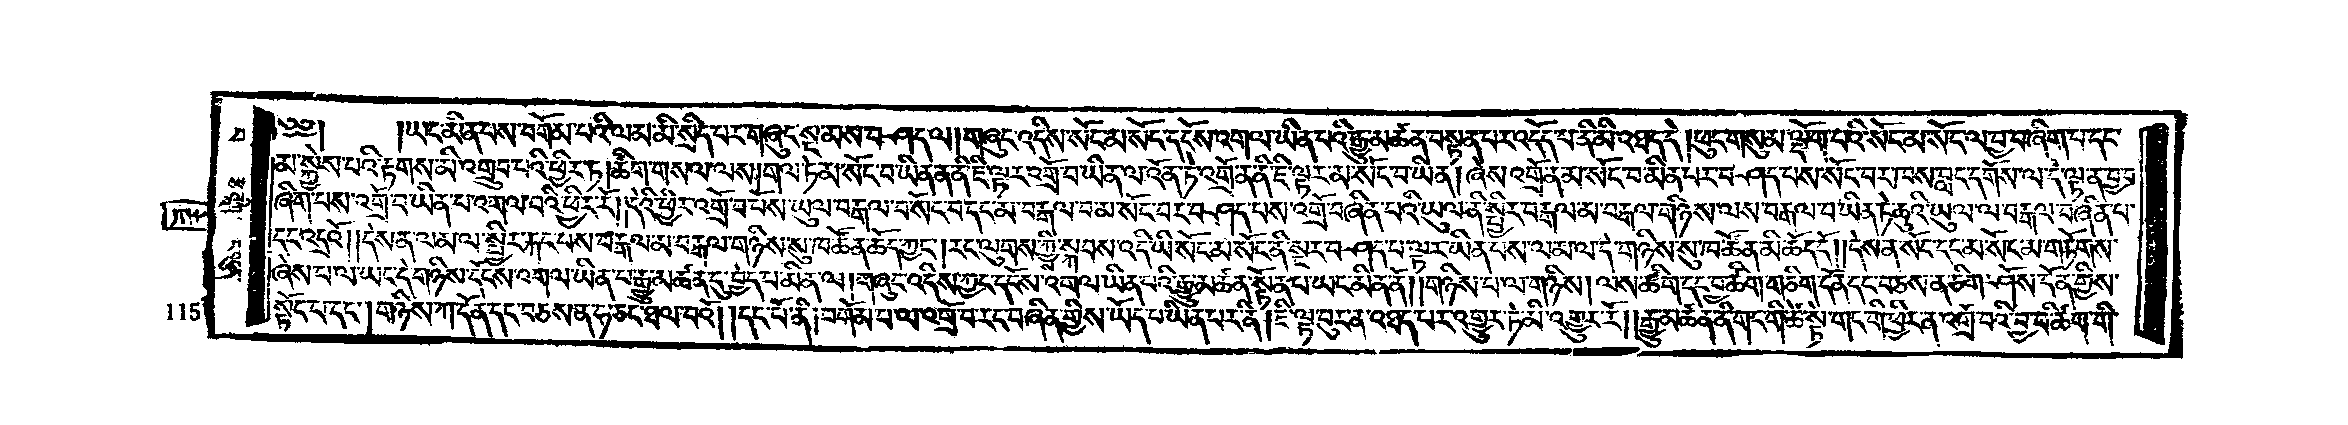༄༅། །ཡང་མིན་པས་བགོམ་པའི་ལམ་མི་སྲིད་པར་གཞུང་སྔ་མས་བཤད་ལ། གཞུང་འདིས་སོང་མ་སོང་དངོས་འགལ་ཡིན་པའི་རྒྱུ་མཚན་བསྟན་པར་འདོད་པ་ནི་མི་འཐད་དེ། ཕུང་གསུམ་ལྡོག་པའི་སོང་མ་སོང་ལ་བྱ་བ་ཞིག་པ་དང་
མ་སྐྱེས་པའི་རྟགས་མི་འགྲུབ་པའི་ཕྱིར་ཏེ། ཚིག་གསལ་ལས། གལ་ཏེ་མ་སོང་བ་ཡིན་ན་ནི་ཇི་ལྟར་འགྲོ་བ་ཡིན་ལ་འོན་ཏེ་འགྲོ་ན་ནི་ཇི་ལྟར་མ་སོང་བ་ཡིན། ཞེས་འགྲོ་ན་མ་སོང་བ་མིན་པར་བཤད་པས་སོང་བར་ཁས་བླང་དགོས་ལ་དེ་ལྟ་ན་བྱ་བ་
ཞིག་པས་འགྲོ་བ་ཡིན་པ་འགལ་བའི་ཕྱིར་རོ། །དེའི་ཕྱིར་འགྲོ་བ་པོས་ཡུལ་བརྒལ་བ་སོང་བ་དང་མ་བརྒལ་བ་མ་སོང་བར་བཤད་པས་འགྲོ་བཞིན་པའི་ཡུལ་ནི་སྤྱིར་བརྒལ་མ་བརྒལ་གཉིས་ལས་བརྒལ་བ་ཡིན་ཏེ་ཆུའི་ཡུལ་ལ་བརྒལ་བཞིན་པ་
དང་འདྲའོ། །དེས་ན་ལམ་ལ་སྤྱིར་རྐང་པས་བརྒལ་མ་བརྒལ་གཉིས་སུ་ཁ་ཚོན་ཆོད་ཀྱང་། རང་ལུགས་ཀྱིས་སྐབས་འདི་ཡི་སོང་མ་སོང་ནི་སྔར་བཤད་པ་ལྟར་ཡིན་པས་ལམ་ལ་དེ་གཉིས་སུ་ཁ་ཚོན་མི་ཆོད་དོ། །དེས་ན་སོང་དག་མ་སོང་མ་གཏོགས་
ཞེས་པ་ལ་ཡང་དེ་གཉིས་དངོས་འགལ་ཡིན་པ་རྒྱུ་མཚན་དུ་བྱེད་པ་མིན་ལ། གཞུང་འདིས་ཀྱང་དངོས་འགལ་ཡིན་པའི་རྒྱུ་མཚན་སྟོན་པ་ཡང་མིན་ནོ། །གཉིས་པ་ལ་གཉིས། ལས་ཚིག་དང་བྱ་ཚིག་གཅིག་དོན་དང་བཅས་ན་ཅིག་ཤོས་དོན་གྱིས་
སྟོང་པ་དང་། གཉིས་ཀ་དོན་དང་བཅས་ན་ཧ་ཅང་ཐལ་བའོ། །དང་པོ་ནི། བགོམ་པ་ལ་འགྲོ་བ་རང་བཞིན་གྱིས་ཡོད་པ་ཡིན་པར་ནི། ཇི་ལྟ་བུར་ན་འཐད་པར་འགྱུར་ཏེ་མི་འགྱུར་རོ། །རྒྱུ་མཚན་ནི་གང་གི་ཚེ་སྟེ་གང་གི་ཕྱིར་ན་འགྲོ་བའི་བྱ་བ་ཚིག་གི་